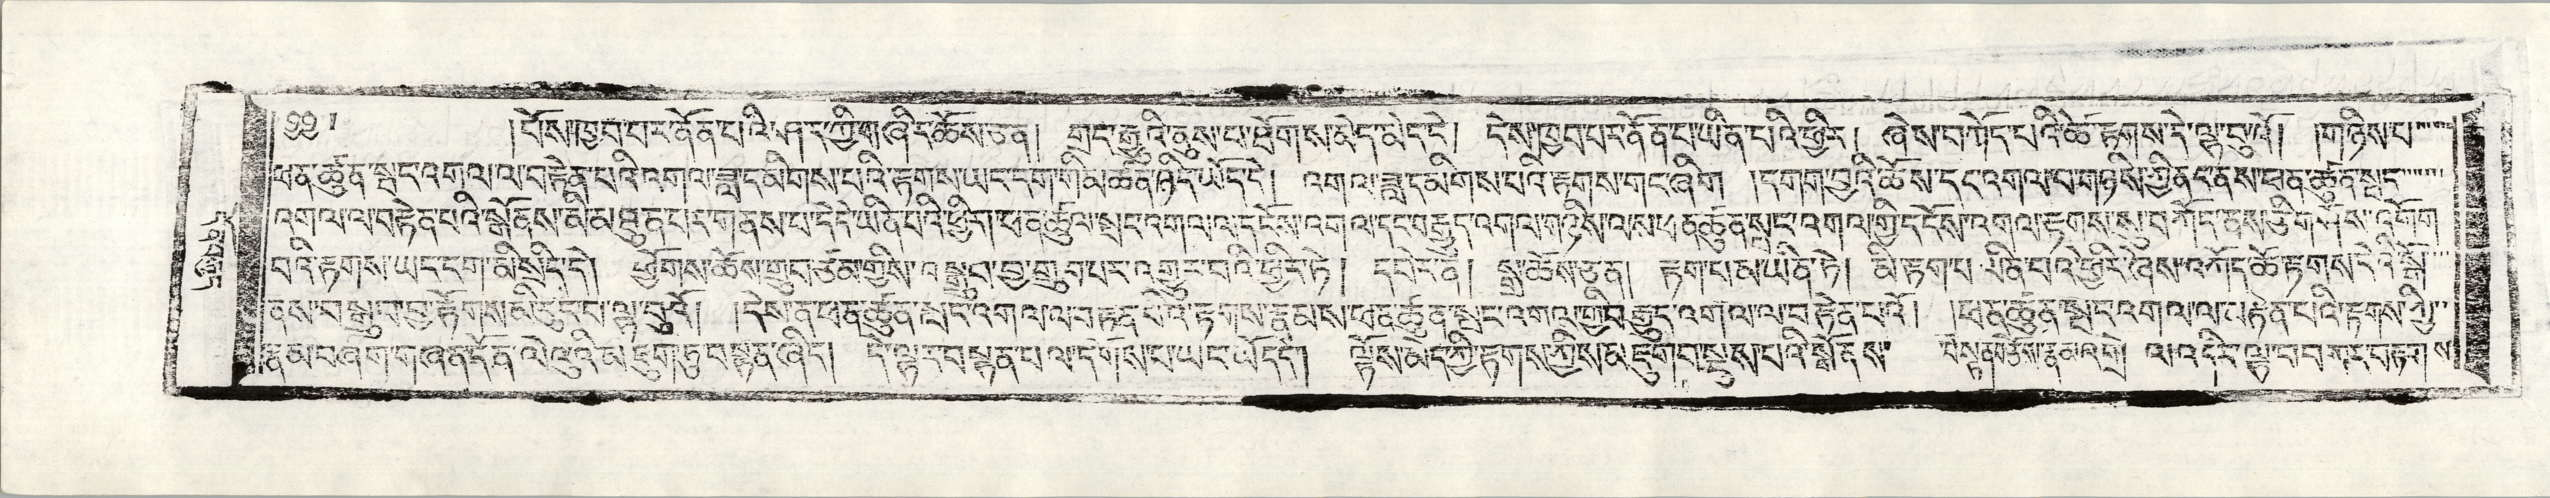༄༅། །པོས་ཁྱབ་པར་ནོན་པའི་ཤར་ཀྱི་གཞིར་ཆོས་ཅན། གྲང་རྒྱུའི་ནུས་པ་ཐོགས་མེད་མེད་དེ། དེས་ཁྱབ་པར་ནོན་པ་ཡིན་པའི་ཕྱིར། ཞེས་བཀོད་པའི་ཚེ་རྟགས་དེ་ལྟ་བུའོ། །གཉིས་པ་
ཕན་ཚུན་སྤང་འགལ་ལ་བརྟེན་པའི་འགལ་ཟླ་དམིགས་པའི་རྟགས་ཡང་དག་གི་མཚན་ཉིད་ཡོད་དེ། འགལ་ཟླ་དམིགས་པའི་རྟགས་གང་ཞིག །དགག་བྱའི་ཆོས་དང་འགལ་བ་གཉིས་ཀྱི་ནང་ནས་ཕན་ཚུན་སྤང་
འགལ་ལ་བརྟེན་པའི་སྒོ་ནས་མི་མཐུན་པར་གནས་པ་དེ་དེ་ཡིན་པའི་ཕྱིར། ཕན་ཚུན་སྤང་འགལ་ལ་དངོས་འགལ་དང་བརྒྱུད་འགལ་གཉིས་ལས་ཕན་ཚུན་སྤང་འགལ་གྱི་དངོས་འགལ་རྟགས་སུ་བཀོད་ནས་ཅིག་ཤོས་འགོག་
པའི་རྟགས་ཡང་དག་མི་སྲིད་དེ། ཕྱོགས་ཆོས་གྲུབ་ཙམ་གྱིས་བསྒྲུབ་བྱ་གྲུབ་པར་འགྱུར་བའི་ཕྱིར་ཏེ། དཔེར་ན། སྒྲ་ཆོས་ཅན། རྟག་པ་མ་ཡིན་ཏེ། མི་རྟག་པ་ཡིན་པའི་ཕྱིར་ཞེས་བཀོད་ཚེ་རྟགས་དེའི་སྒོ་
ནས་བསྒྲུབ་བྱ་རྟོགས་མི་རུང་བ་ལྟ་བུའོ། །དེས་ན་ཕན་ཚུན་སྤང་འགལ་ལ་བརྟེན་པའི་རྟགས་རྣམས་ཕན་ཚུན་སྤང་འགལ་གྱི་བརྒྱུད་འགལ་ལ་བརྟེན་པའོ། །ཕན་ཚུན་སྤང་འགལ་ལ་བརྟེན་པའི་རྟགས་ཀྱི་
རྣམ་བཞག་གཞན་དོན་ལེའུའི་མཇུག་ཏུ་བསྟན་ཞིང་། དེ་ལྟར་བསྟན་པ་ལ་དགོས་པ་ཡང་ཡོད་དེ། ལྟོས་མེད་ཀྱི་རྟགས་ཀྱིས་མཇུག་བསྡུས་པའི་སྒོ་ནས་བསྟན་བཅོས་རྣམ་འགྲེལ་འདིར་ལྟ་བ་བཀར་བརྟགས་